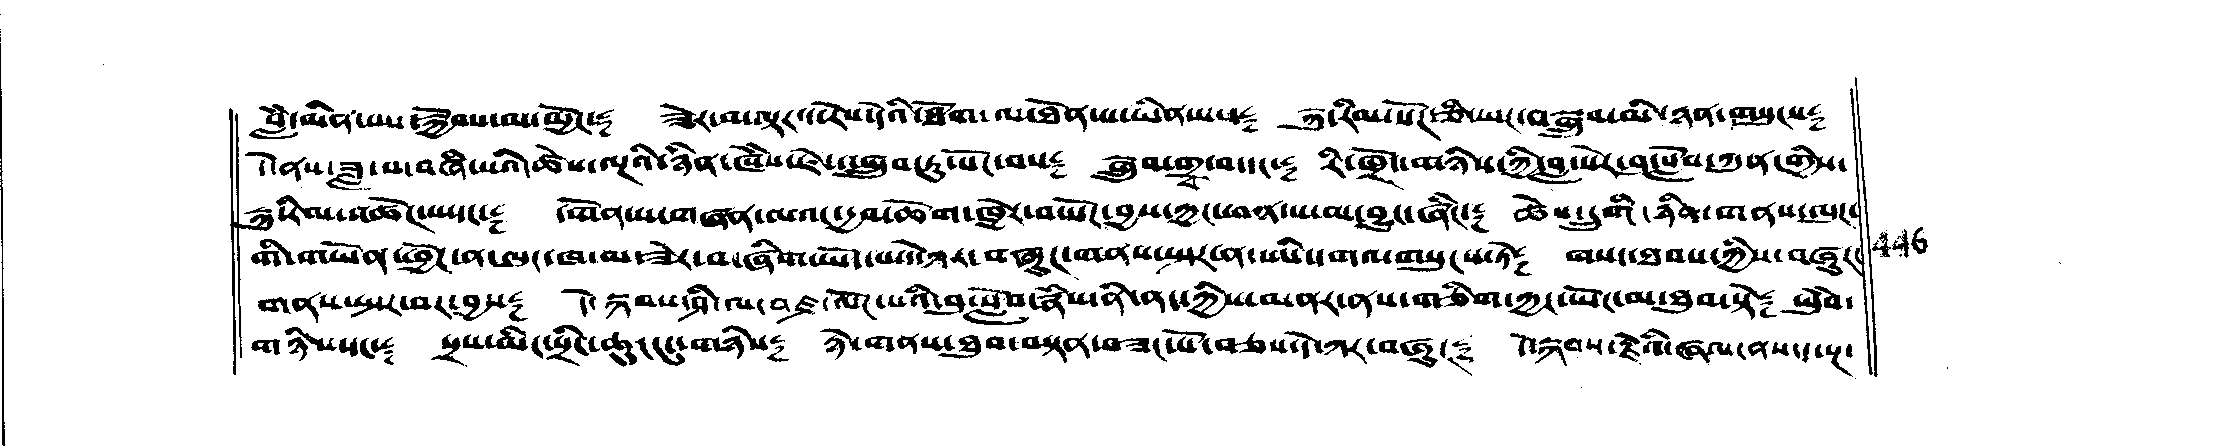བླ་མ་མིན་པས་སྐྱོབས་མ་མྱོང། །ཟེར་བ་ལྟར་ད་རེས་དེའི་ཐོག་ལ་ཐོན་པ་ཡིན་པས། སྐུ་རིམ་སོགས་ཅི་ཡང་བསྒྲུབ་མི་ཉན་གསུངས། 
དེ་ནས་ཟླ་བ་བཞི་པའི་ཚེས་ལྔའི་ཉིན་ཁམས་ཇེ་འཁྲུག་ཏུ་སོང་བས། སྒྲུབ་གྲྭ་བ་དང་། རི་ཁྲོད་གཉིས་ཀྱི་བླ་སེར་བུ་སློབ་ཀུན་གྱིས་
སྐུ་རིམ་འཚོགས་པ་དང་། དགོན་པ་གཞན་ལའང་རྒྱབ་ཆོག་ཁྱེར་བ་སོགས་བྱས་ཀྱང་ཕན་པ་མ་བྱུང་ཞིང་། ཚེས་དྲུག་གི་ཉིན་གནས་ལུང་
གི་གཡོན་ཕྱོགས་ན་ལུང་ཁ་མ་ཟེར་བ་ཞིག་ཡོད་པ་དེ་ཀར་བཞུགས་གནས་སྤར་ན་ཨི་དགའ་གསུངས་ཏེ། གསང་ཐབས་ཀྱིས་བཞུགས་
གནས་སྤར་བར་བྱས། དེ་སྐབས་ཤི་ལ་བཛྲ་ལ་སོགས་པའི་བུ་སློབ་རྣམས་ནི་ནད་ཀྱིས་མནར་ནས་གཅིག་ཀྱང་ཡོང་མ་ཐུབ་སྟེ། ཡབ་ཡུམ་
གཉིས་དང་། སྲས་མིང་སྲིང་ཆུང་ངུ་གཉིས། ཉེ་གནས་ཐུབ་བསྟན་བཟང་པོ་བཅས་དེ་ཀར་བཞུགས། དེ་སྐབས་རྗེའི་ཞལ་ནས་ད་སྔ་